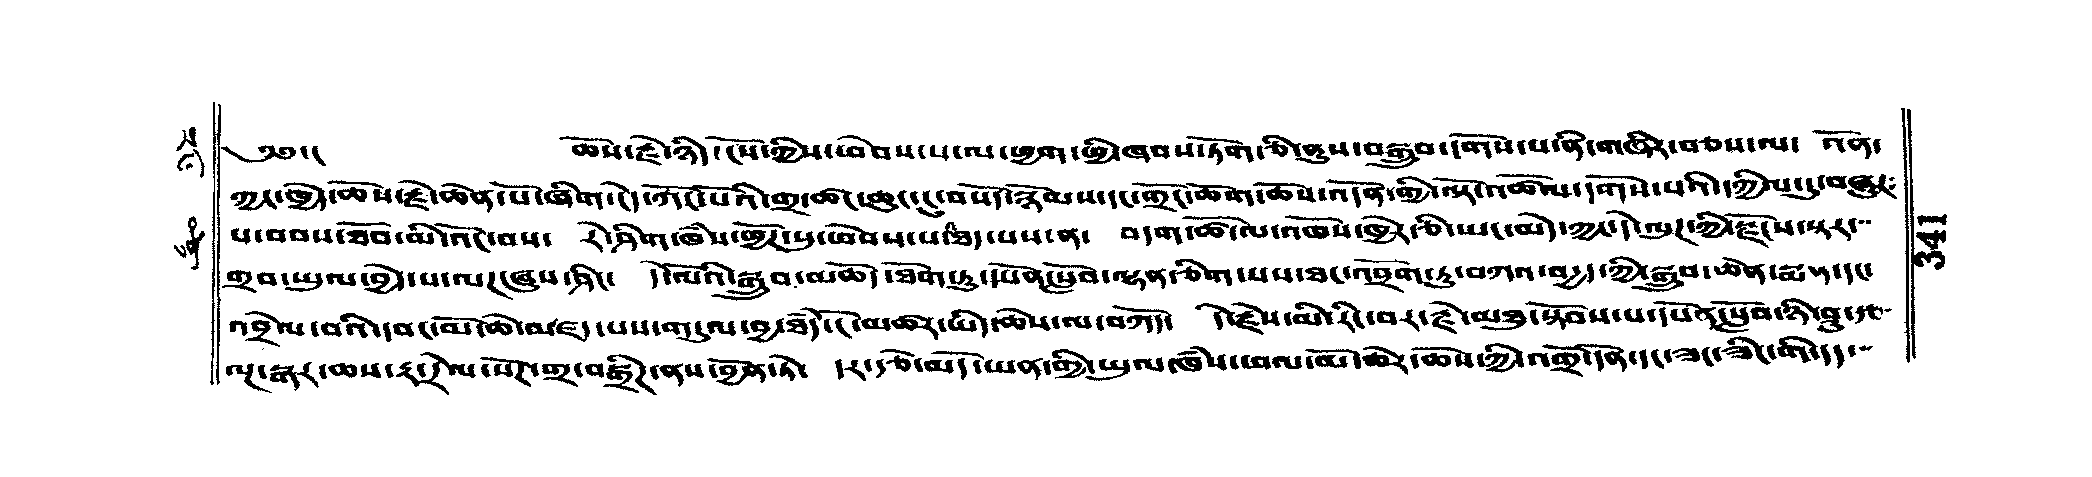ཆོས་རྗེ་ཉིད་ངོས་ཀྱིས་ཕེབས་པ་ལ་ཕྱག་ཕྱི་ཞབས་ཏོག་ཅི་ནུས་བསྒྲུབ་དགོས་པ་ནི་གཞིར་བཅས་ལ། འོན་
ཀྱང་ཁྱེད་ཆོས་རྗེ་ཆེན་པོ་ཞིག་ངེད་ཀོང་པོའི་གྲྭ་ཚང་ཆུང་ངུ་བསོད་སྙོམས་དང་གྲོང་ཆོག་ཆོས་འདོན་གྱི་ལྟོ་འཚོལ་དགོས་པའི་དཀྱིལ་དུ་བཞུགས་
པ་བབས་ཐོབ་མི་འོང་བས། རེ་ཤིག་ཁམས་ཕྱོགས་སུ་ཕེབས་པ་འཐད་པས་ན། བདག་ཚོ་ལ་འཁོས་ཁྱེར་ཅི་ཡང་མེད་ཀྱང་དེ་ལུགས་ཀྱི་རྫོངས་སྟར་
གྲབ་ཡུལ་བྱེད་པ་ལགས་ཞུས་ཤིང་། དེ་ལོའི་སྒྲུབ་མཆོད་ཐོག་ཏུ་དཔོན་སློབ་ལྷན་ཅིག་པས་ཐང་འབྲོག་ཏུ་བཀའ་བརྒྱད་ཀྱི་སྒྲུབ་ཆེན་སྨན་དང་
འབྲེལ་བའི་དབང་མོ་ཆེ་མཛད་པས་གདུལ་བྱ་ཐམས་ཅད་ངོ་མཚར་ཡིད་ཆེས་ལ་བཀོད། དེ་རྗེས་མི་རིང་བར་རྗེ་མཐུ་སྟོབས་པ་དཔོན་སློབ་ཉི་ཤུ་རྩ་
ལྔ་སྒར་ཆས་རྟ་དྲེལ་སོགས་གྲ་བསྒྲིགས་ནས་བྱོན་ཏེ། དར་རྩེ་མདོ་ཡན་གྱི་ཡུལ་ཁམས་ཕལ་མོ་ཆོས་ཀྱི་འགྲོ་དོན་དང་ཟང་ཟིང་གི་དད་